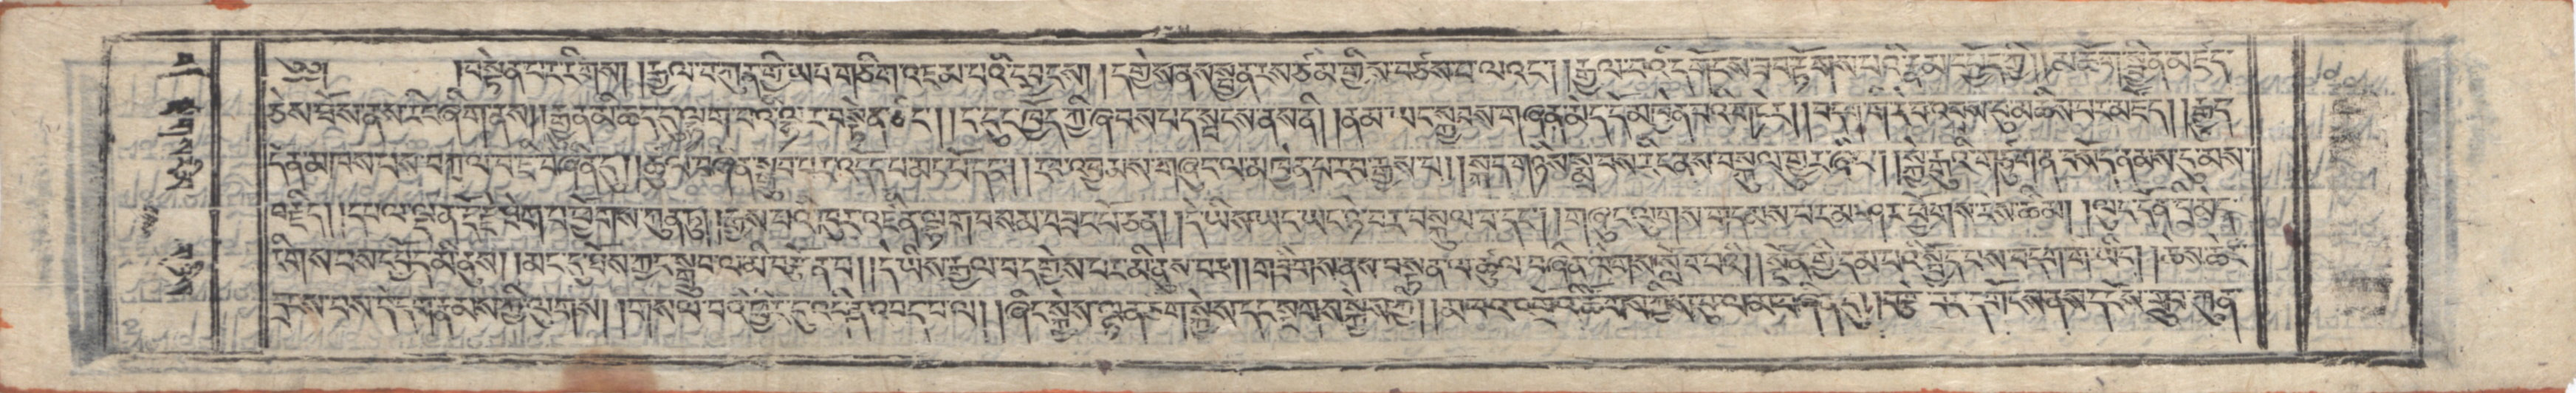༄༅། །བསྟེན་པར་རིགས། །རྒྱལ་བ་ཀུན་གྱི་ཡབ་གཅིག་འཇམ་པའི་དབྱངས། །དགྱེས་ནས་སྤྱན་རས་ཙམ་གྱིས་བཙས་པ་ལའང་། །རྒྱལ་བའི་དགོངས་ཟབ་རྟོགས་པའི་རྣམ་དཔྱོད་ཀྱི། །མཆོག་སྦྱིན་མཛད་
ཅེས་ཐོས་ནས་རིང་ཞིག་ནས། །རྒྱུན་མི་ཆད་དུ་ལྷག་པའི་ལྷར་བསྟེན་ཅིང་། །ད་དུང་ཁྱོད་ཀྱི་ཞབས་པད་སྤངས་ནས་ནི། །ནམ་ཡང་སྐྱབས་གཞན་མེད་དོ་མཁྱེན་པའི་གཏེར། །བདག་གི་རེ་བ་འབྲས་བུ་མཆིས་པར་མཛོད། །རྒྱུད་
དོན་མཁས་པས་བཀྲལ་བ་ཇི་བཞིན་དུ། །ཚུལ་བཞིན་སྒྲུབ་པར་འདོད་པ་མང་པོ་དང་། །རབ་འབྱམས་གཞུང་ལ་མཁྱེན་པ་རབ་རྒྱས་པ། །སྐད་གཉིས་སྨྲ་བས་རིང་ནས་བསྐུལ་གྱུར་ཞིང་། །སྐྱེ་རྒུའི་གཙུག་ན་བསོད་ནམས་དུ་མས་
བརྗིད། །དཔལ་ལྡན་རྡོ་རྗེ་ཐེག་པ་ཕྱོགས་ཀུན་ཏུ། །རྒྱས་པའི་ཁུར་འཛིན་ལྷག་བསམ་བཟང་པོ་ཅན། །དེ་ཡིས་ཡང་ཡང་ཉེ་བར་བསྐུལ་བ་དང་། །གཞུང་ལུགས་གདམས་པར་མ་ཤར་ཕྱོགས་རེས་ཚིམ། །ལུང་དོན་དྲི་མེད་
རིགས་པས་དཔྱོད་མི་ནུས། །མང་དུ་ཐོས་ཀྱང་སྒྲུབ་ལ་མི་བརྩོན་པ། །དེ་ཡིས་རྒྱལ་བ་དགྱེས་པར་མི་ནུས་པར། །གཟིགས་ནས་བསྟན་ལ་ཚུལ་བཞིན་ལེགས་སློབ་པའི། །སྔོན་གྱི་དམ་པའི་སྤྱོད་པས་བདག་གི་ཡིད། །ཆེས་ཆེར་
དྲངས་པས་དེ་དག་རྣམས་ཀྱི་ལུགས། །གསལ་བའི་ཕྱིར་དུ་འདི་ན་འབད་པ་ལ། །ཞིང་སྐྱེས་ལྷན་ཅིག་སྐྱེས་དང་སྔགས་སྐྱེས་ཀྱི། །མཁའ་འགྲོའི་ཚོགས་ཀྱིས་བུ་ལ་མ་བཞིན་དུ། །བརྩེ་བར་དགོངས་ནས་དངོས་གྲུབ་ཀུན་